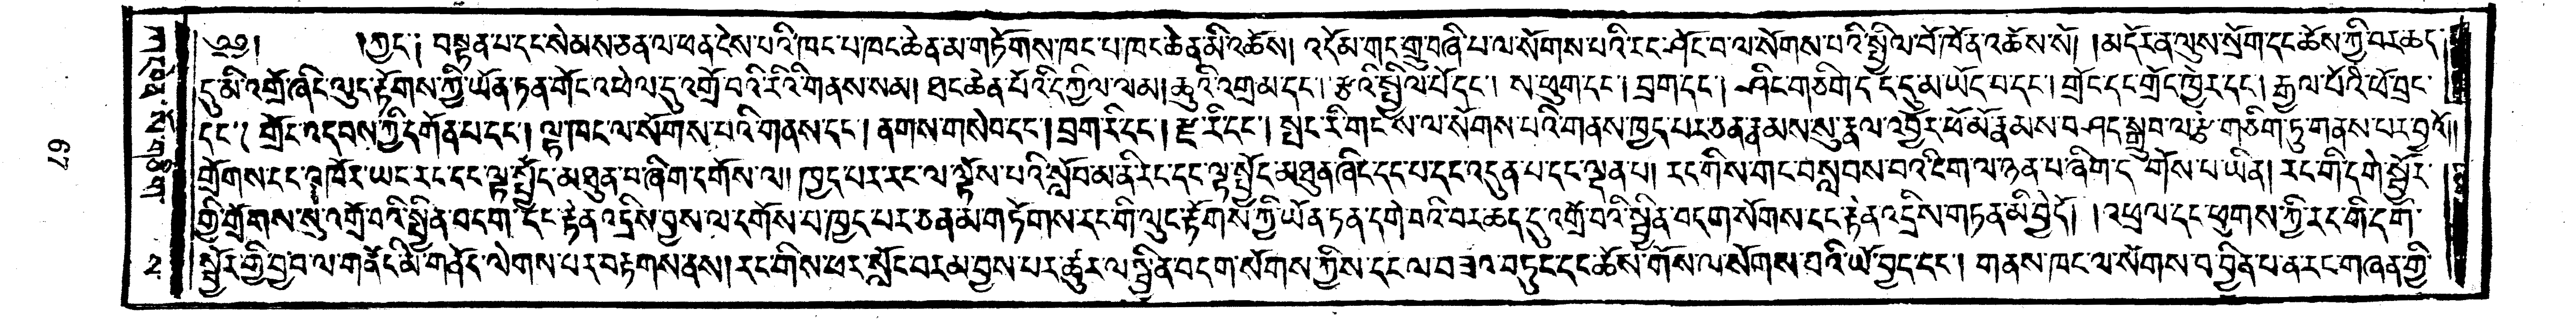༄༅། །ཀྱང༑ བསྟན་པ་དང་སེམས་ཅན་ལ་ཕན་ངེས་པའི་ཁང་པ་ཁང་ཆེན་མ་གཏོགས་ཁང་པ་ཁང་ཆེན་མི་འཆོས། འདོམ་གང་གྲུ་བཞི་པ་ལ་སོགས་པའི་རང་ཤོང་བ་ལ་སོགས་པའི་སྤྱིལ་བོ་ཁོ་ན་འཆོས་སོ། །མདོར་ན་ལུས་སྲོག་དང་ཆོས་ཀྱི་བར་ཆད་
དུ་མི་འགྲོ་ཞིང་ལུང་རྟོགས་ཀྱི་ཡོན་ཏན་གོང་འཕེལ་དུ་འགྲོ་བའི་རིའི་གནས་སམ། ཐང་ཆེན་པོའི་དཀྱིལ་ལམ། ཆུའི་འགྲམ་དང་། རྩའི་སྤྱིལ་པོ་དང་། ས་ཕུག་དང་། བྲག་དང་། ཤིང་གཅིག་དང་དུ་མ་ཡོད་པ་དང་། གྲོང་དང་གྲོང་ཁྱེར་དང་། རྒྱལ་པོའི་ཕོ་བྲང་
དང༑ གྲོང་འདབས་ཀྱི་དགོན་པ་དང་། ལྷ་ཁང་ལ་སོགས་པའི་གནས་དང་། ནགས་གསེབ་དང་། བྲག་རི་དང་། རྫ་རི་དང་། སྤང་རི་གངས་ལ་སོགས་པའི་གནས་ཁྱད་པར་ཅན་རྣམས་སུ་རྣལ་འབྱོར་འབྱོར་ཕོ་མོ་རྣམས་བཤད་སྒྲུབ་ལ་རྩེ་གཅིག་ཏུ་གནས་པར་བྱའོ།།
གྲོགས་དང་འཁོར་ཡང་རང་དང་ལྟ་སྤྱོད་མཐུན་པ་ཞིག་དགོས་ལ། ཁྱད་པར་རང་ལ་ལྟོས་པའི་སློབ་མ་ནི་རང་དང་ལྟ་སྤྱོད་མཐུན་ཞིང་དང་པ་དང་འདུན་པ་དང་ལྡན་པ། རང་གིས་གང་བསླབས་བའི་ངག་ལ་ཉན་པ་ཞིག་དགོས་པ་ཡིན། རང་གི་དགེ་སྦྱོར་
གྱི་གྲོགས་སུ་འགྲོ་བའི་སྤྱིན་བདག་དང་རྟེན་འདྲིས་བྱས་ལ་དགོས་པ་ཁྱད་པར་ཅན་མ་གཏོགས་རང་གི་ལུང་རྟོགས་ཀྱི་ཡོན་ཏན་དགེ་བའི་བར་ཆད་དུ་འགྲོ་བའི་སྦྱིན་བདག་སོགས་དང་རྟེན་འདྲིས་གཏན་མི་བྱེ་དོ། །འཕྲལ་དང་ཕུགས་ཀྱི་རང་གི་དག་
སྦྱོར་གྱི་བྱ་བ་ལ་གནོད་མི་གནོད་ལེགས་པར་བརྟགས་ནས། རང་གིས་ཕར་སློང་བར་མ་བྱས་པར་ཚུར་ལ་སྦྱིན་བདག་སོགས་ཀྱིས་དང་ལ་བཟའ་བཏུང་དང་ཆོས་གོས་ལ་སོགས་པའི་ཡོ་བྱད་དང་། གནས་ཁང་ལ་སོགས་བ་བྱིན་པ་ན་རང་གཞན་གྱི་